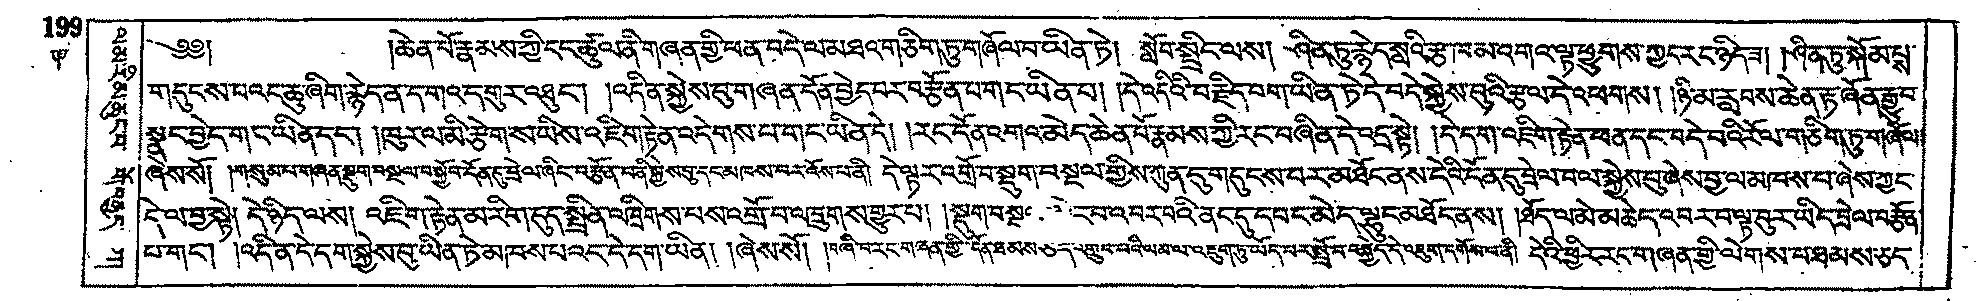༄༅། །ཆེན་པོ་རྣམས་ཀྱི་ངང་ཚུལ་ནི་གཞན་གྱི་ཕན་བདེ་ལ་མཐའ་གཅིག་ཏུ་གཞོལ་བ་ཡིན་ཏེ། སློབ་སྤྲིང་ལས། ཤིན་ཏུ་རྙེད་སླའི་རྩ་ཁམ་འགའ་ལྟ་ཕྱུགས་ཀྱང་རང་ཉིད་ཟ། །ཤིན་ཏུ་སྐོམ་པས་
གདུངས་པའང་ཆུ་ཞིག་རྙེད་ན་དགའ་དགུར་འཐུང་། །འདི་ན་སྐྱེས་བུ་གཞན་དོན་བྱེད་པར་བརྩོན་པ་གང་ཡིན་པ། །དེ་འདིའི་བརྗིད་བག་ཡིན་ཏེ་དེ་བདེ་སྐྱེས་བུའི་རྩལ་དེ་འཕགས། །ཉི་མ་རླབས་ཆེན་རྟ་ཞོན་རྒྱུ་བ་
སྣང་བྱེད་གང་ཡིན་དང་། །ཁུར་ལ་མི་རྩེག་ས་ཡིས་འཇིག་རྟེན་འདེགས་པ་གང་ཡིན་དེ། །རང་དོན་འགའ་མེད་ཆེན་པོ་རྣམས་ཀྱི་རང་བཞིན་དེ་འདྲ་སྟེ། །དེ་དག་འཇིག་རྟེན་ཕན་དང་བདེ་བའི་རོ་ལ་གཅིག་ཏུ་གཞོལ་
ཞེས་སོ། །གསུམ་པ་གཞན་སྡུག་བསྔལ་བ་སྐྱོབ་དོན་དུ་བྲེལ་ཞིང་བརྩོན་པ་ནི་སྐྱེས་བུ་དང་མཁས་པར་འོས་པ་ནི།  དེ་ལྟར་འགྲོ་བ་སྡུག་བསྔལ་གྱིས་ཀུན་དུ་གདུངས་པར་མཐོང་ནས་དེའི་དོན་དུ་བྲེལ་བ་ལ་སྐྱེས་བུ་ཞེས་བྱ་ལ་མཁས་པ་ཞེས་ཀྱང་
དེ་ལ་བྱ་སྟེ། དེ་ཉིད་ལས། འཇིག་རྟེན་མ་རིག་དུད་སྤྲིན་འཁྲིགས་པས་འགྲོ་བ་འཁྲུགས་གྱུར་པ། །སྡུག་བསྔལ་ལ་རབ་འབར་བའི་ནང་དུ་དབང་མེད་ལྷུང་མཐོང་ནས། །ཐོད་ལ་མེ་མཆེད་འབར་བ་ལྟ་བུར་ཡིད་བྲེལ་བརྩོན་
པ་གང་། །འདི་ན་དེ་དག་སྐྱེས་བུ་ཡིན་ཏེ་མཁས་པའང་དེ་དག་ཡིན། །ཞེས་སོ། །བཞི་པ་རང་གཞན་གྱི་དོན་ཐམས་ཅད་འགྲུབ་པའི་ལམ་ལ་འཇུག་ཏུ་ཡོད་པར་སྤྲོ་བ་བསྐྱེད་དེ་འཇུག་དགོས་པ་ནི།  དེའི་ཕྱིར་རང་གཞན་གྱི་ལེགས་པ་ཐམས་ཅད་